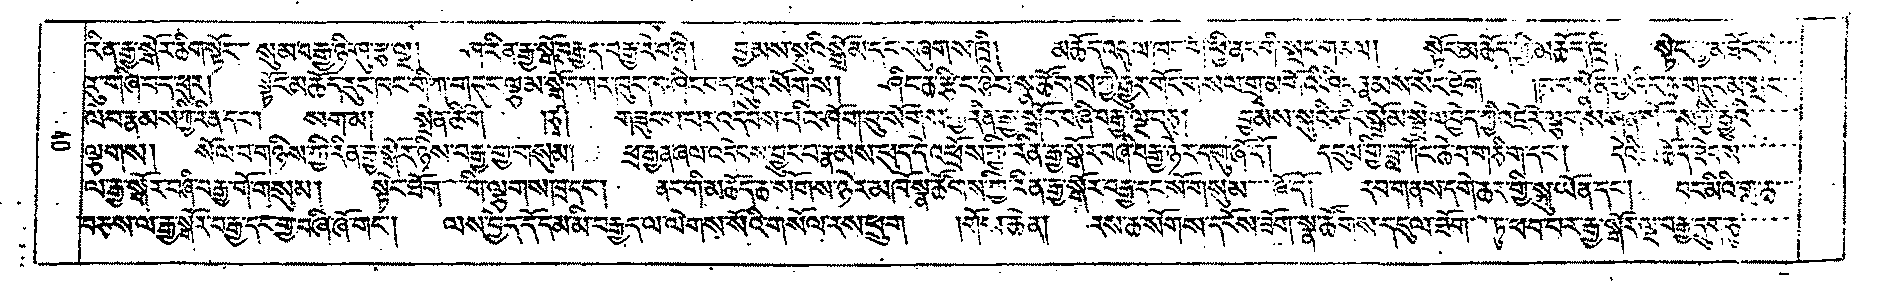རིན་རྒྱ་སྒོར་ཆིག་སྟོང་སུམ་བརྒྱ་ཉི་ཤུ་རྩ་ལྔ། ཤ་རིན་རྒྱ་སྒོར་བརྒྱད་བརྒྱ་རེ་བཞི། བྱམས་སྐུའི་སྒྲོམ་དང་བཞུགས་ཁྲི། མཆོད་འབུལ་ཁང་གི་ཕྱི་ནང་གི་སྤང་གཅལ། སྟོང་མཆོད་ཀྱི་མཆོད་ཁྲི། སྟེང་རྒྱ་མཐོང་གི་
རུ་གཞི་བད་ཕུར། སྟོང་མཆོད་རུང་ཁང་གི་ཀ་གདུང་ལྕམ་སྒོ་དཀར་ཁུང་ཁ་ཤིང་བད་ཕུར་སོགས། ཤིང་ཆ་རྩིང་ཞིབ་སྣ་ཚོགས་ཀྱི་རྒྱུར་གོང་གསལ་གྲྭ་མགོའི་ཤིང་རྣམས་སོང་ཐོག །ཁ་བསྣོན་གྱི་ཤིང་ཆ་གདུང་མ་སྤང་
ལེབ་རྣམས་ཀྱི་རིན་དང་། སག་མ། སྤེན་ཚིག །ཙྭ། གཟུངས་པར་འདེབས་པའི་ཤོག་བུ་སོགས་ཀྱི་རིན་རྒྱ་སྒོར་བཞི་བརྒྱ་ལྔ་བཅུ། བྱམས་སྐུའི་ཤིང་སྒྲོམ་སྦྲེལ་བྱེད་ཀྱི་འཛེར་ལྕགས་ཤན་སོགས་ཀྱི་རྒྱུའི་
ལྕགས། སོལ་བ་གཉིས་ཀྱི་རིན་རྒྱ་སྒོར་ཉིས་བརྒྱ་གྱ་གསུམ། ཕྲ་རྒྱན་ཞལ་འདེབས་བྱུང་བ་རྣམས་ཕུད་དེ་འཕྲོས་ཀྱི་རིན་རྒྱ་སྒོར་བཞི་བརྒྱ་ཉེར་དགུ་ཞོ་དོ། དངུལ་གྱི་ཟླ་ཀོང་ཆེ་བ་གཅིག་དང་། དེའི་མཆོད་ཐེབས་
ལ་རྒྱ་སྒོར་བཞི་བརྒྱ་གོ་གསུམ། སྟོང་ཐོག་གི་ལྕགས་ཁྲ་དང་། ནང་གི་མཆོད་ཆ་སོགས་ཉེར་མཁོ་སྣ་ཚོགས་ཀྱི་རིན་རྒྱ་སྒོར་བརྒྱ་དང་སོ་གསུམ་ཞོ་དོ། རབ་གནས་དགེ་ཆར་གྱི་སྐུ་ཡོན་དང་། བང་མིའི་གླ་ཆ་
བཅས་ལ་རྒྱ་སྒོར་བརྒྱ་དང་གྱ་བཞི་ཞོ་གང་། ལས་བྱེད་དོ་དམ་མི་བརྒྱད་ལ་ལེགས་སོའི་གསོལ་རས་ཕྲུག །གོས་ཆེན། རས་ཆ་སོགས་དངོས་ཟོག་སྣ་ཚོགས་དངུལ་ཐོག་ཏུ་ཕབ་པར་རྒྱ་སྒོར་ལྔ་བརྒྱ་དྲུག་ཅུ་